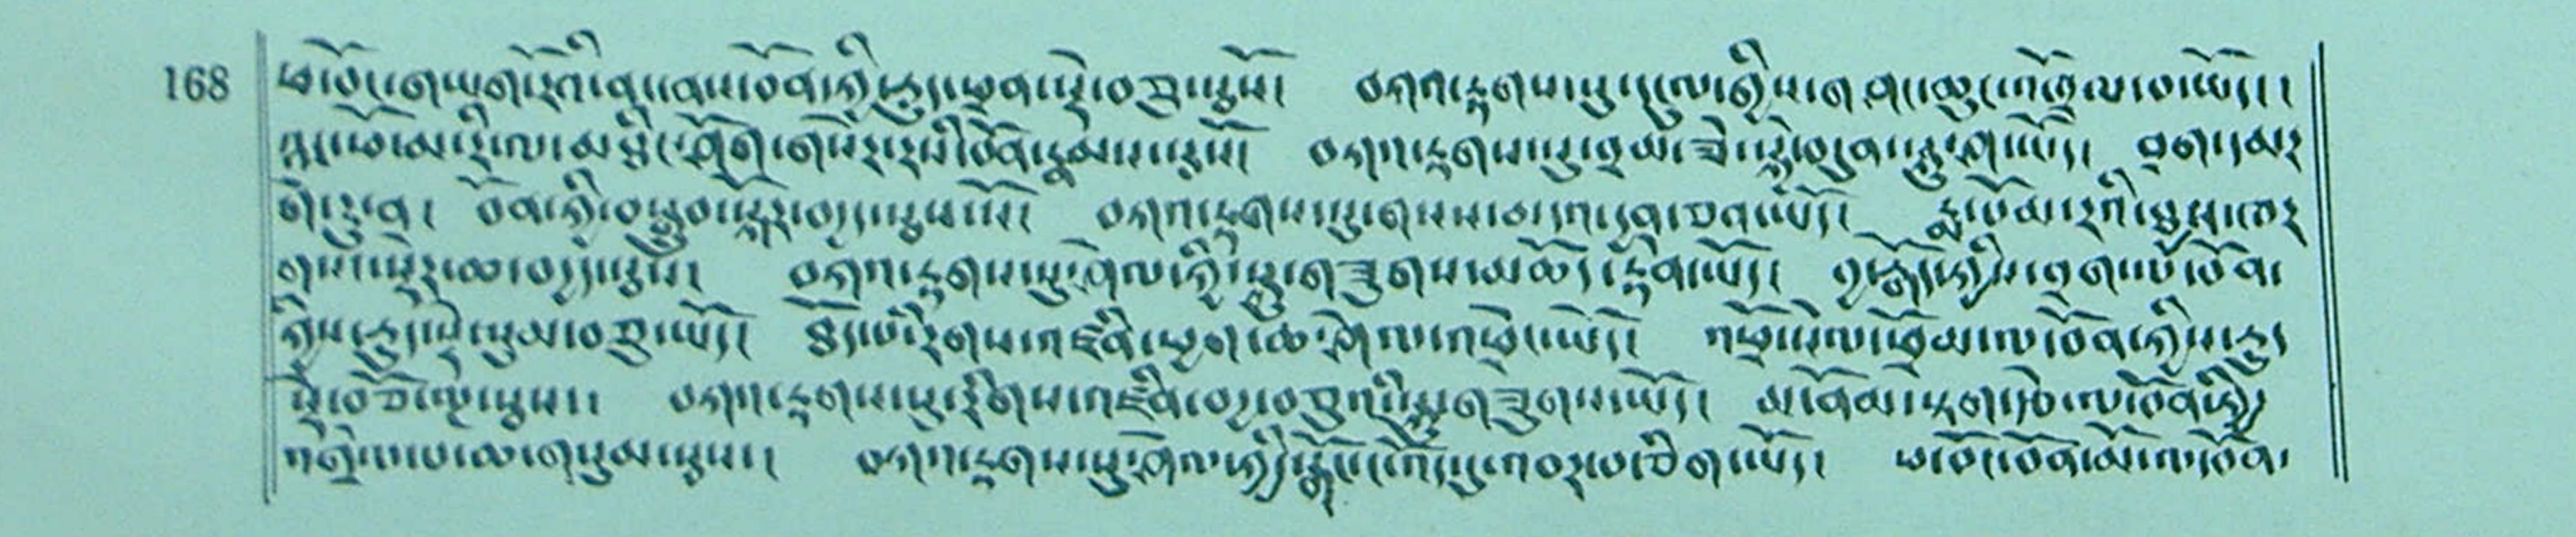ཕ་བོང་གཡག་རོའི་ནང་དུ་བོན་གྱི་རྒྱུད་ཕྲན་སྡེ་བཅུ་སྦས་སོ། །བཀའ་རྟགས་སུ་དངུལ་གྱི་གཤང་ཆུང་འཁྲོལ་བ་ཡོད། 
ཉང་ཕོ་མ་རི་ལ་མཐིང་ཤོག་གསེར་རིས་བོན་རྣམས་སྦས་སོ། །བཀའ་རྟགས་སུ་བྲམ་ཟེ་སྐྱེ་བདུན་སྐུ་ཤ་ཡོད། བྲག་དམར་
གེ་རུ་ན། བོན་གྱི་བསྒྲུབ་སྐོར་བརྒྱད་སྦས་སོ། །བཀའ་རྟགས་སུ་གསས་མདའ་རྒྱན་ཅན་ཡོད། རྨ་པོམ་རའི་ཐུགས་ཁར་
གསང་སྡེར་ཆ་བརྒྱད་སྦས། བཀའ་རྟགས་སུ་ཤེལ་གྱི་སྐུ་གཟུགས་མཆོད་རྟེན་ཡོད། བྱ་རྒོད་ཀྱི་བྲག་ལ་བོན་
གྱི་རྒྱུད་སྡེ་སུམ་བཅུ་ཡོད། ཐོད་པ་རིགས་འཛིན་ཕྱག་ཆ་ཤེལ་ཕྲེང་ཡོད། འཕྲོ་སེལ་ཕྲོམ་ལ་བོན་གྱི་རྒྱུད་
སྡེ་བཅོ་ལྔ་སྦས། བཀའ་རྟགས་སུ་རིགས་འཛིན་བརྒྱད་བཅུའི་སྐུ་གཟུགས་ཡོད། མ་ནོམ་སྟག་རྩེ་ལ་བོན་གྱི་
འགྲེལ་བ་ཆ་གསུམ་སྦས། བཀའ་རྟགས་སུ་ཤེལ་གྱི་སྒོ་ང་འོད་དུ་འབར་བ་ཅིག་ཡོད། ཕ་བོང་བོན་མོ་ལ་དབོན་